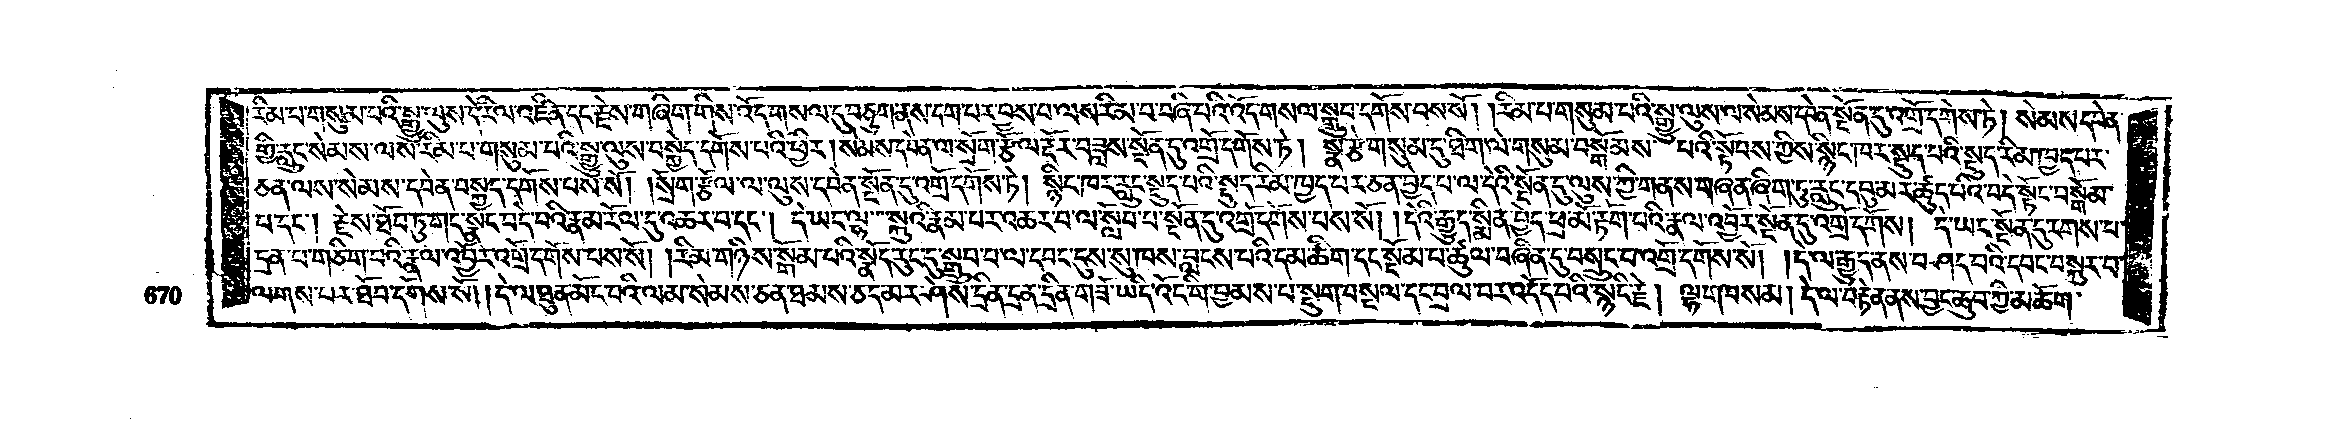རིམ་པ་གསུམ་པའི་སྒྱུ་ལུས་དེ་རིལ་འཛིན་དང་རྗེས་གཞིག་གིས་འོད་གསལ་དུ་བཅུག་ནས་དག་པར་བྱས་པ་ལས་རིམ་པ་བཞི་པའི་འོད་གསལ་སྒྲུབ་དགོས་པས་སོ། །རིམ་པ་གསུམ་པའི་སྒྱུ་ལུས་ལ་སེམས་དབེན་སྔོན་དུ་འགྲོ་དགེས་ཏེ། སེམས་དབེན་
གྱི་རླུང་སེམས་ལས་རིམ་པ་གསུམ་པའི་སྒྱུ་ལུས་བསྐྱེད་དགོས་པའི་ཕྱིར། སེམས་དབེན་ལ་སྲོག་རྩོལ་རྡོར་བཟླས་སྔོན་དུ་འགྲོ་དགོས་ཏེ། སྣ་རྩེ་གསུམ་དུ་ཐིག་ལེ་གསུམ་བསྒོམས་པའི་སྟོབས་ཀྱིས་སྙིང་ཁར་སྡུད་པའི་སྡུད་རིམ་ཁྱད་པར་
ཅན་ལས་སེམས་དབེན་བསྐྱེད་དགོས་པས་སོ། །སྲོག་རྩེལ་ལ་ལུས་དབེན་སྔོན་དུ་འགྲོ་དགོས་ཏེ། སྙིང་ཁར་རླུང་སྡུད་པའི་སྡུད་རིམ་ཁྱད་པར་ཅན་བྱེད་པ་ལ་དེའི་སྔོན་དུ་ལུས་ཀྱི་གནས་གཞན་ཞིག་ཏུ་རླུང་དབུ་མར་ཚུད་པའི་བདེ་སྟོང་བསྒོམ་
པ་དང་། རྗེས་ཐོབ་ཏུ་གང་སྣང་བདེ་བའི་རྣམ་རོལ་དུ་འཆར་བ་དང་། དེ་ཡང་ལྷ་སྐུའི་རྣམ་པར་འཆར་བ་ལ་སློབ་པ་སྔོན་དུ་འགྲོ་དགོས་པས་སོ། །དེའི་རྒྱུད་སྨིན་བྱེད་ཕྲ་མོ་རྟོག་པའི་རྣལ་འབྱོར་སྔོན་དུ་འགྲོ་དགོས། དེ་ཡང་སྔོན་དུ་རགས་པ་
དྲན་པ་གཅིག་པའི་རྣལ་འབྱོར་འགྲོ་དགོས་པས་སོ། །རིམ་གཉིས་སྒོམ་པའི་སྣོད་རུང་དུ་སྒྲུབ་པ་ལ་དབང་དུས་སུ་ཁས་བླངས་པའི་དམ་ཚིག་དང་སྡོམ་པ་ཚུལ་བཞིན་དུ་བསྲུང་བ་འགྲོ་དགོས་སོ། །དེ་ལ་རྒྱུད་ནས་བཤད་པའི་དབང་བསྐུར་བ་
ལེགས་པར་ཐོབ་དགོས་སོ། །དེ་ལ་ཐུན་མོང་བའི་ལམ་སེམས་ཅན་ཐམས་ཅད་མར་ཤེས་དྲིན་དྲན་དྲིན་གཟོ་ཡིད་འོང་གི་བྱམས་པ་སྡུག་བསྔལ་དང་བྲལ་བར་འདོད་པའི་སྙིང་རྗེ། ལྷག་བསམ། དེ་ལ་བརྟེན་ནས་བྱང་ཆུབ་ཀྱི་མཆོག་